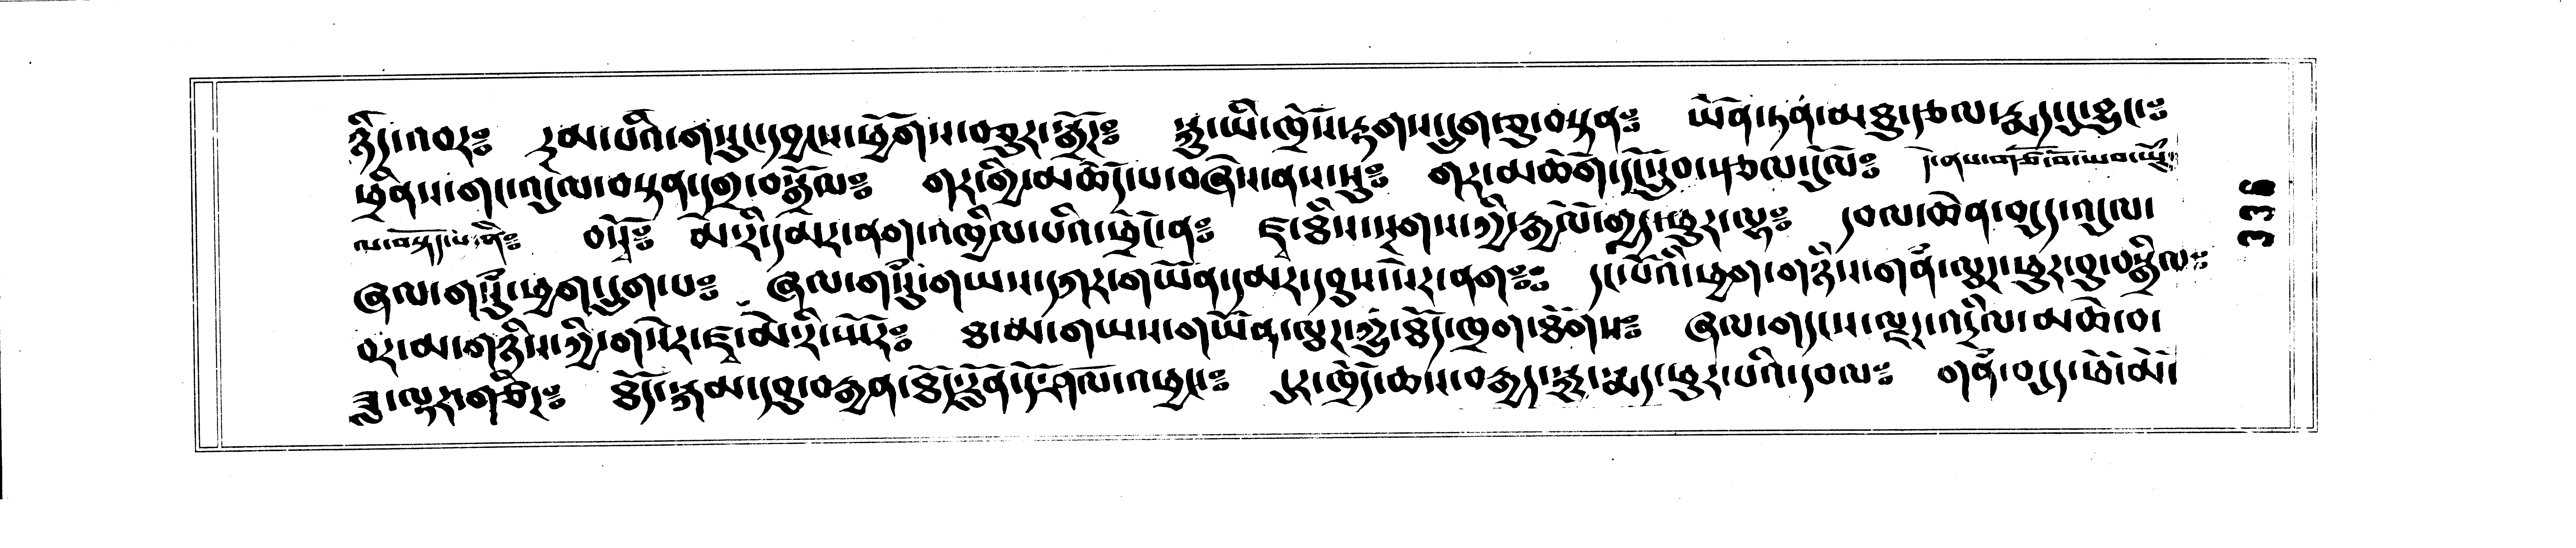ཉིད་འབར༔ རྔམ་པའི་གསུང་དབྱངས་ཕྱོགས་བཅུར་སྒྲོགས༔ སྐུ་ཡི་ཁྲོས་རྟགས་དྲུག་ཅུ་བསྟན༔ ཡོན་ཏན་མཐུ་རྩལ་རྨད་དུ་བྱུང་༔ 
ཕྲིན་ལས་གང་འདུལ་བསྟན་དགྲ་བསྒྲོལ༔ གར་གྱི་མཆོད་པ་བཞེས་ནས་སུ༔ གར་མཆོག་དངོས་གྲུབ་སྩལ་དུ་གསོལ༔ དེ་ནས་གཙོ་བོ་ཡབ་ཡུམ་
ལ་བསྟོད་པ་ནི༔ བསྭོ༔ མེ་རི་དམར་ནག་འཁྱིལ་པའི་ཕོ་བྲང་ན༔ ཛྭ་ཐིས་སྔགས་ཀྱི་རྒྱལ་པོ་གྱད་ཕུར་ལྷ༔ དབལ་ཆེན་བདུད་འདུལ་
ཞལ་གསུམ་ཕྱག་དྲུག་པ༔ ཞལ་གསུམ་གཡས་དཀར་གཡོན་དམར་དབུས་སེར་ནག༔༔ དང་པོའི་ཕྱག་གཉིས་གནམ་ལྕགས་ཕུར་བུ་བསྒྲིལཿ 
བར་མ་གཉིས་ཀྱི་གསེར་ཛྭ་མེ་རི་སྤོརཿ ཐ་མ་གཡས་གཡོན་ལྕགས་ཀྱུ་ཐོད་ཁྲག་ཐོགས༔ ཞལ་གདངས་ལྗགས་འདྲིལ་མཆེ་བ་
ཟླ་ལྟར་གཙིེགས༔ ཐོད་སྐམ་དབུ་བརྒྱན་ཐོད་རློན་དོ་ཤེལ་འཕྱང་༔ དུར་ཁྲོད་ཆས་བརྒྱད་སྐུ་སྨད་ཕུར་པའི་དབལ༔ གནམ་བདུད་ཕོ་མོ་